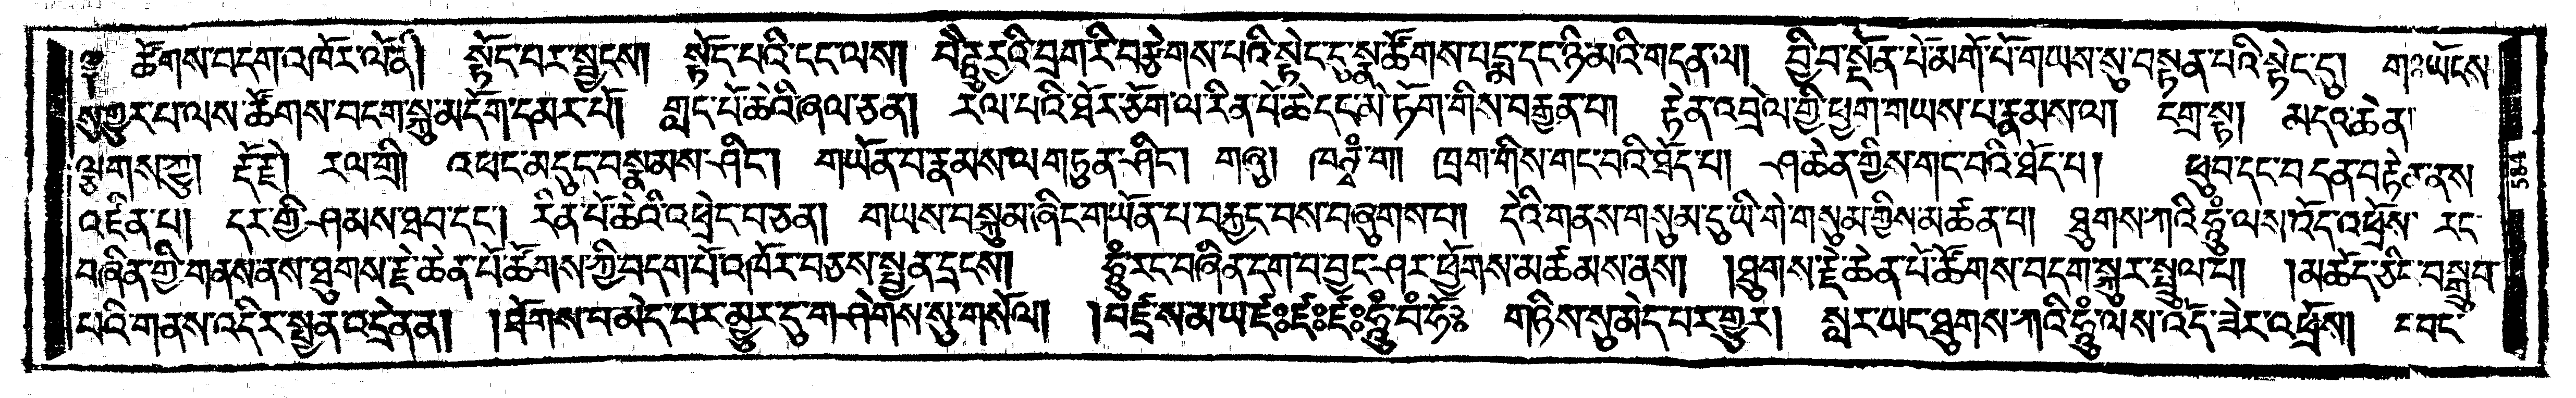༈ ཚོགས་བདག་འཁོར་ལོ་ནི། སྟོང་བར་སྦྱངས། སྟོང་པའི་ངང་ལས། བཻཌཱུ་རྱའི་བྲག་རི་བརྩེགས་པའི་སྟེང་དུ་སྣ་ཚོགས་པདམ་དང་ཉི་མའི་གདན་ལ། བྱི་བ་སྔོན་པོ་མགོ་པོ་གཡས་སུ་བསྟན་བའི་སྟེང་དུ། གཿ ཡོངས་
སུ་གྱུར་པ་ལས་ཚོགས་བདག་སྐུ་མདོག་དམར་པོ། གླང་པོ་ཆེའི་ཞལ་ཅན། རལ་པའི་ཐོར་ཅོག་ལ་རིན་པོ་ཆེ་དང་མེ་ཏོག་གིས་བརྒྱན་པ། རྟེན་འབྲེལ་གྱི་ཕྱག་གཡས་པ་རྣམས་ལ། དགྲ་སྟ། མདའ་ཆེན།
ལྕགས་ཀྱུ། རྡོ་རྗེ། རལ་གྲི། འཕང་མདུད་བསྣམས་ཤིང་། གཡོན་པ་རྣམས་ལ་གཏུན་ཤིང་། གཞུ། ཁཊྭཾ་ག། ཁྲག་གིས་གང་བའི་ཐོད་པ། ཤ་ཆེན་གྱིས་གང་བའི་ཐོད་པ། ཕུབ་དང་བདན་བརྟེན་ནས་
འཛིན་པ། དར་གྱི་ཤམས་ཐབ་དང་། རིན་པོ་ཆེའི་འཕྲེད་བ་ཅན། གཡས་བསྐུམ་ཞིང་གཡོན་པ་བརྐྱང་བས་བཞུགས་པ། དེའི་གནས་གསུམ་དུ་ཡི་གེ་གསུམ་གྱིས་མཚན་པ། ཐུགས་ཀའི་ཧཱུཾ་ལས་འོད་འཕྲོས་རང་
བཞིན་གྱི་གནས་ནས་ཐུགས་རྗེ་ཆེན་པོ་ཚོགས་ཀྱི་བདག་པོ་འཁོར་བཅས་སྤྱན་དྲངས། ཧཱུཾ་རང་བཞིན་དག་བ་བྱུང་ཤར་ཕྱོགས་མཚམས་ནས། །ཐུགས་རྗེ་ཆེན་པོ་ཚོགས་བདག་སྐུར་སྤྲུལ་པ། །མཆོད་ཅིང་བསྒྲུབ་
པའི་གནས་འདིར་སྤྱན་འདྲེན་ན། །ཐོགས་པ་མེད་པར་མྱུར་དུ་གཤེགས་སུ་གསོལ། །བཛྲ་ས་མ་ཡ་ཛཿ ཛཿ ཧཱུཾ་བཾ་ཧོཿ གཉིས་སུ་མེད་པར་གྱུར། སླར་ཡང་ཐུགས་ཀའི་ཧཱུཾ་ལས་འོད་ཟེར་འཕྲོས། དབང་